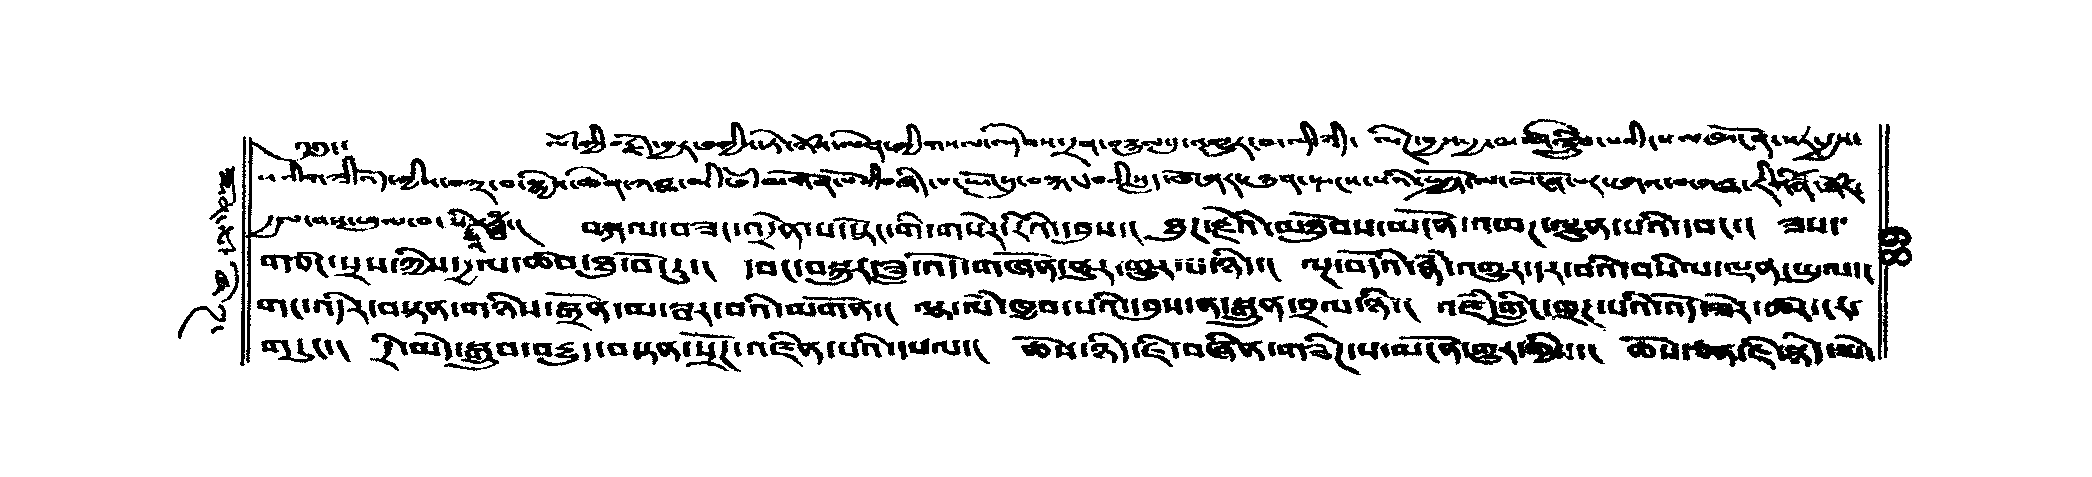ལམ་གྱི་བརྗོད་བགྱིས་ཏེ་ཉམ་ལེན་གྱི་གསལ་འདེབས་དྲན་བསྐུལ་དུ་འགྱུར་བ་འདི་ཉིད་ལེགས་བྱས་རྒྱ་མཚོ་ལྟ་བུའི་དཔལ་མངོན་པར་རྒྱས་
པའི་གཟི་འོད་ཀྱིས་བཀྲ་བ་སྐྱེས་ཆེན་ཀརྨ་མི་ཕམ་མགོན་པོའི་བཞེད་པ་ཡོངས་སུ་བསྐང་བའི་སླད་ཁོ་ནར། ཀུན་སྤངས་པའི་སྤྱོད་ལ་མངོན་པར་དགའ་བ་ཀརྨ་རིག་འཛིན་རྣམ་པར་
རྒྱལ་བས་ཕུལ་བ་སིདྡྷི་རསྟུ།། བསྐལ་བཟང་འདྲེན་པ་སྟོང་གི་གསེར་རིའི་དབུས། །ཐུགས་རྗེའི་མཐུ་སྟོབས་མངོན་འཕགས་ལྷུན་པའི་དབང་། །ཟས་
གཙང་སྲས་ཀྱི་རྒྱལ་ཚབ་ཐུ་བོ་རུ། །དབང་བསྐུར་ཟླ་འོད་གཞོན་ནུར་གྱུར་པ་ཉིད། །ལྔ་བདོའི་རྣམ་འགྱུར་དར་བའི་བསིལ་ལྡན་ཡུལ། །
གང་འདིར་བསྟན་གཉིས་སྒྲོན་མ་སྦར་བའི་མགོན། །ལྷ་ལམ་ཁྱབ་པའི་དབུས་ན་སྤྲིན་བྲལ་ཉི། །འཛམ་གླིང་གྲགས་པའི་འོད་ཟེར་ཚར་ངར་
གདུང་། །དྲི་མེད་སྒྲུབ་བརྒྱུད་བསྟན་སྲོགས་འཛིན་པའི་དཔལ། །ཆོས་ཉིད་ཇི་བཞིན་གཟིགས་པ་མངོན་གྱུར་གྱིས། །ཆོས་ཅན་ཇི་སྙེད་ཡེ་